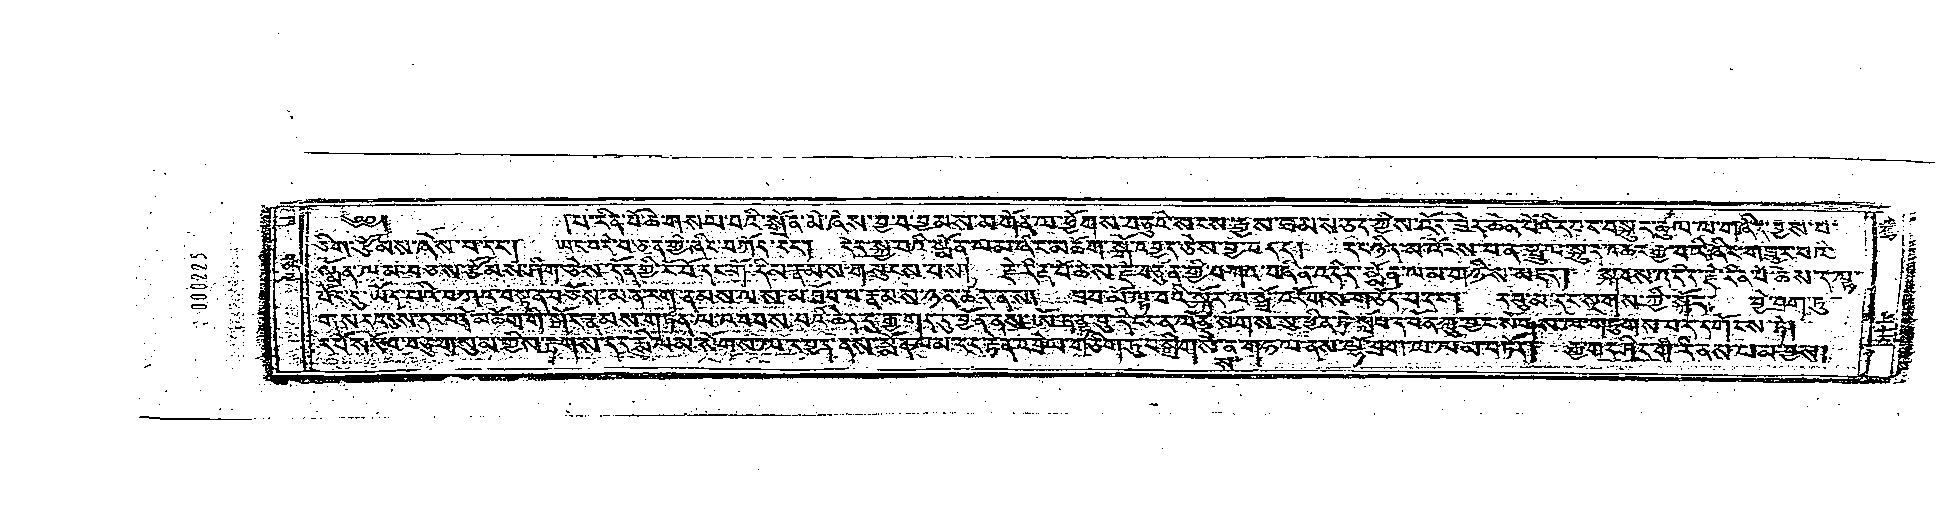༄༅། །པ་རིན་པོ་ཆེ་གསལ་བའི་སྒྲོན་མེ་ཞེས་བྱ་བ་བྱམས་མགོན་ལ་ཕྱོགས་བཅུའི་སངས་རྒྱས་ཐམས་ཅད་ཀྱིས་འོད་ཟེར་ཆེན་པོའི་དབང་བསྐུར་ཚུལ་ལ་གཞིར་བྱས་པ་
ཅིག་རྩོམས་ཞེས་བ་དང་། ཡང་བདེ་བཅན་གྱི་ཞིང་བཀོད་དང་། དེར་སྐྱེ་བའི་སྨོན་ལམ་ཞིང་མཆོག་སྒོ་འབྱང་ཅེས་བྱ་བ་དང་། དང་ཉིད་མ་འོངས་པ་ན་སྤྲུལ་སྐུར་འཆར་རྒྱ་བའི་ཞིང་གཟུང་བའི་
སྨོན་ལམ་བཅས་རྩོམས་ཤིག་ཅེས་དོན་གྱི་ངོ་བོ་དང་གོ་རིམ་རྣམས་གསུངས་པས། རྗེ་རིན་པོ་ཆེས་རྗེ་བཙུན་གྱི་བཀའ་བཞིན་འདིར་སྨོན་ལམ་གཉིས་མཛད། སྐབས་འདིར་རྗེ་རིན་པོ་ཆེས་ད་ལྟ་
བོང་དུ་ཡོད་པའི་བཀའ་བསྟན་བཅོས་མན་ངག་ནམས་ལས་མ་ཐོབ་པ་རྣམས་ཉན་ཚར་ནས། ཟབ་མོ་ལྟ་བའི་སྐོར་ལ་སྒྲོ་འདོགས་གཅོད་པ་དང་། དབུ་མ་དང་སྔགས་ཀྱི་སྐོར་བྱེ་བྲག་ཏུ་
གསང་འདུས་དང་བདོ་མཆོག་གི་སྐོར་རྣམས་གཏན་ལ་འབབས་པའི་ཆེད་དུ་རྒྱ་གར་དུ་བྱོན་ནས་ཨོ་ཥནྟ་པུ་རི་ངར་ན་ལེནྡྲ་སོགས་སུ་ཕྱིན་ཏེ་སློབ་དཔོན་ཀླུ་བྱང་སོགས་ལ་གཏུགས་བད་དགོངས་ཏེ།
དབོས་སོབ་བཅུ་གསུམ་གྱིས་རྟགས་དང་རྨི་ལམ་སོགས་ལ་དཔྱད་ནས་སྨོན་ལམ་དང་རྟེན་འབྲེལ་གཅིག་ཏུ་བསྒྲིགས་ནས་གཉལ་ནས་ལྷོ་བྲག་ལ་ལམ་བཏོད། རྒྱ་གར་ཤིང་གི་རི་ནས་ལམ་བྱས།